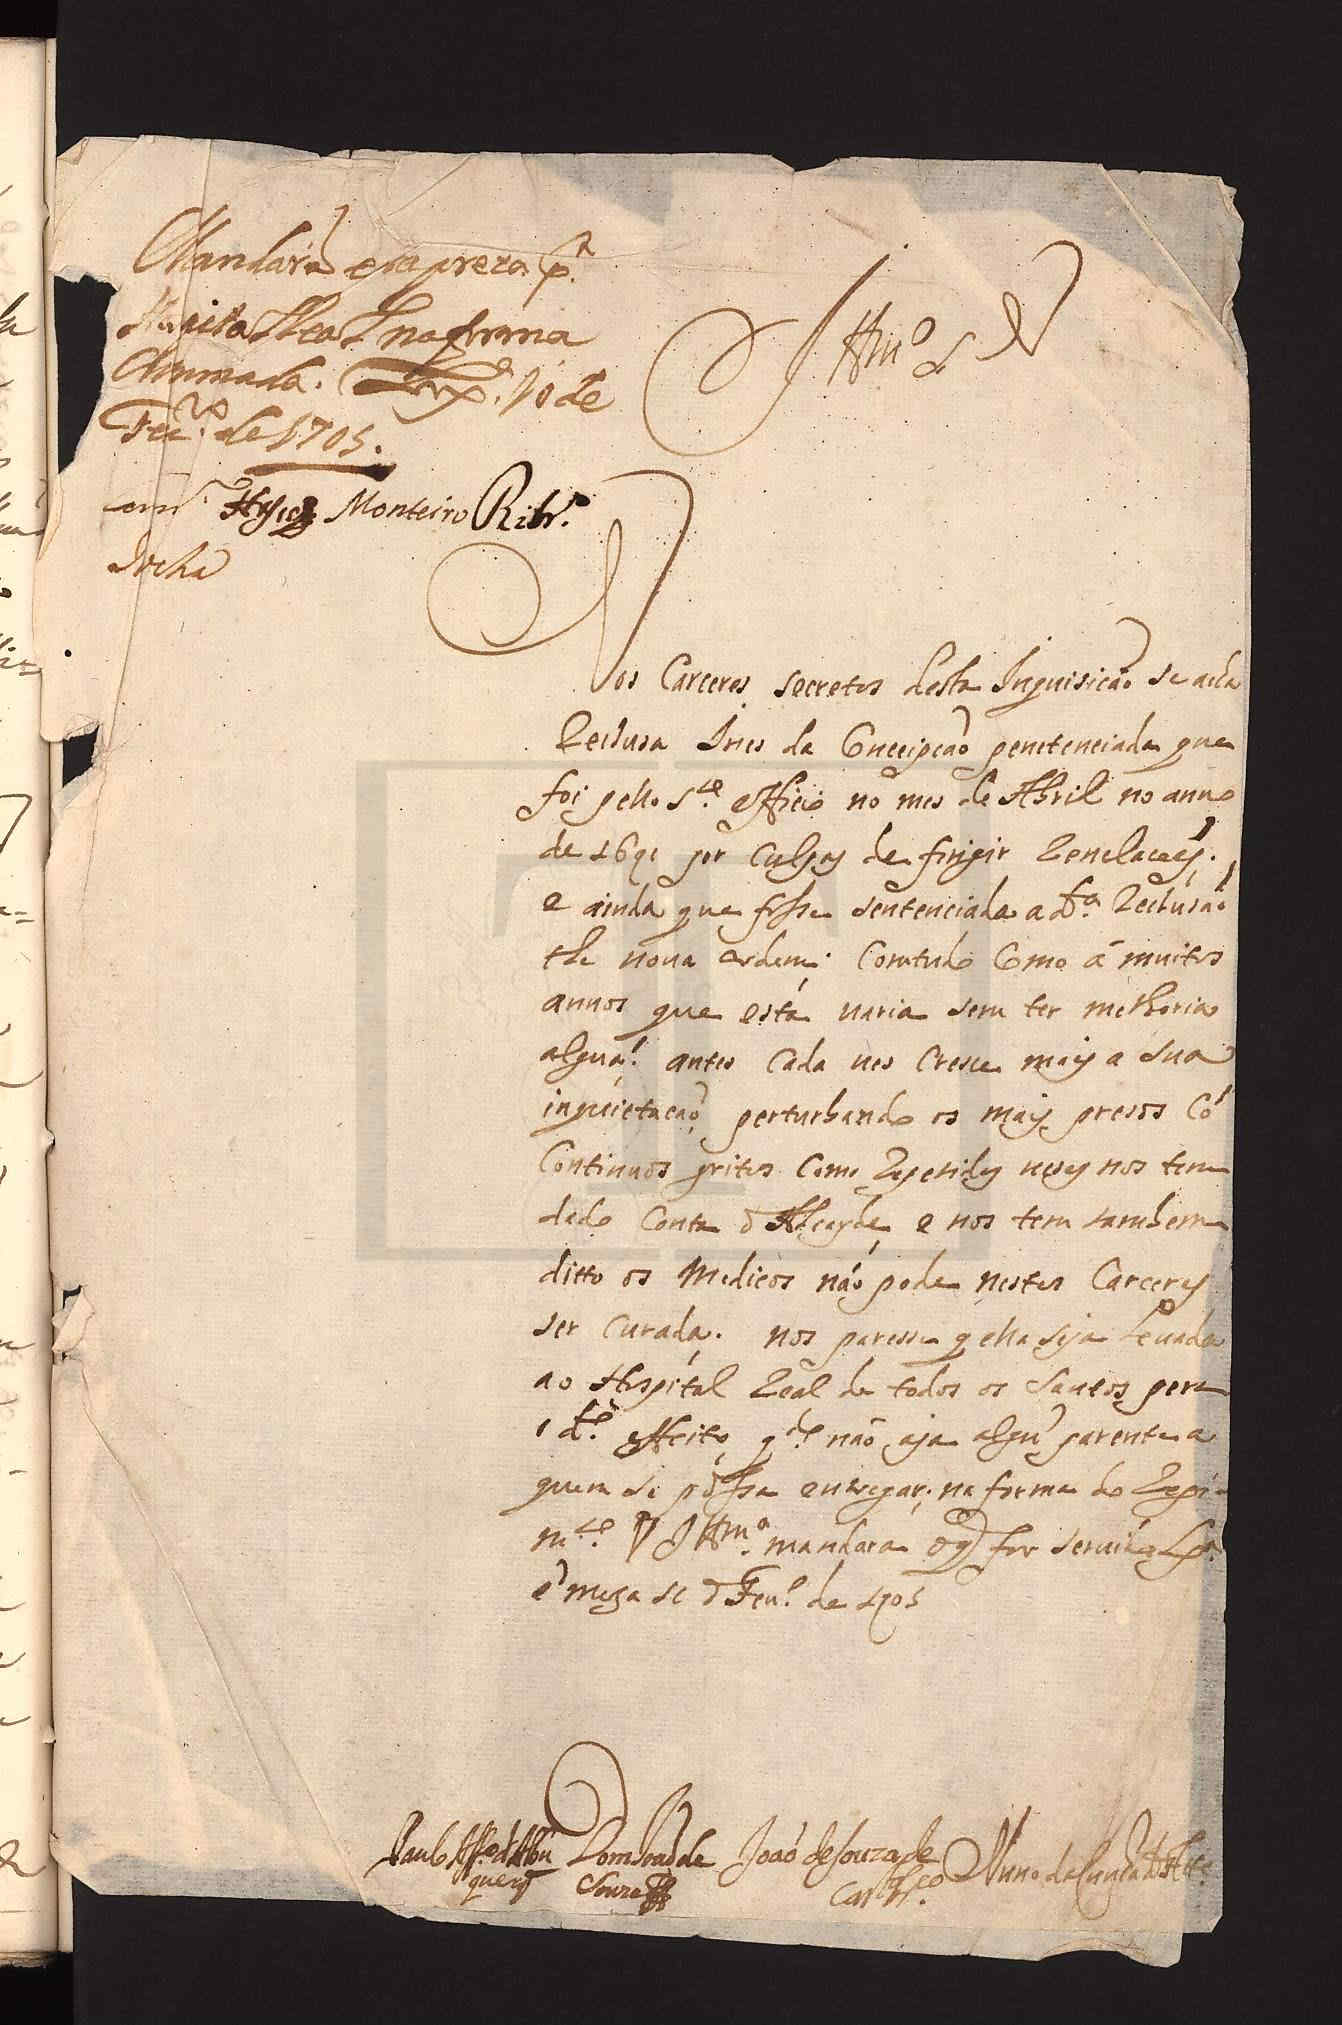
Mandarão e_a preza p.a
Hospital Real na forma
custumada. Lxa. 10 de
Feu.ro de 1705.
Carnr.o Hasse Monteiro Ribr.o
Rocha
Jllmo Sor
Nos Carceres secretos desta Inquisiçaõ se acha
Reclusa Ines da Conceipçaõ penitenciada que
foi pello s.to officio no mes de Abril no anno
de 1691 por culpas de fingir Reuelaçoẽs;
e ainda que fosse sentenciada a d̄.a Reclusaõ
the noua ordem, Comtudo Como á muitos
annos que esta uaria sem ter melhoria
alguā antes cada ues cresce mais a sua
inquietaçaõ, perturbando os mais presos cō
Continuos gritos como Repetidas ueses nos tem
dado conta o Alcayde, e nos tem tambem
ditto os Medicos naõ pode nestes Carceres
ser curada; nos paresse q̄ ella seja leuada
ao Hospital Real de todos os Santos pera
o d̄.o effeito, q.do naõ aja algū parente a
quem se possa entregar, na forma do Regi
m.to V Illm.a mandara o q̄ for seruido Lx.a
ē meza 11 d Feu.ro de 1705
Paulo Aff.o de Albu
querq̄
Dom Ioaõ de
Souza
Joaõ de Souza de
Casto br.co
Nuno da Cunha d̄ Atte
